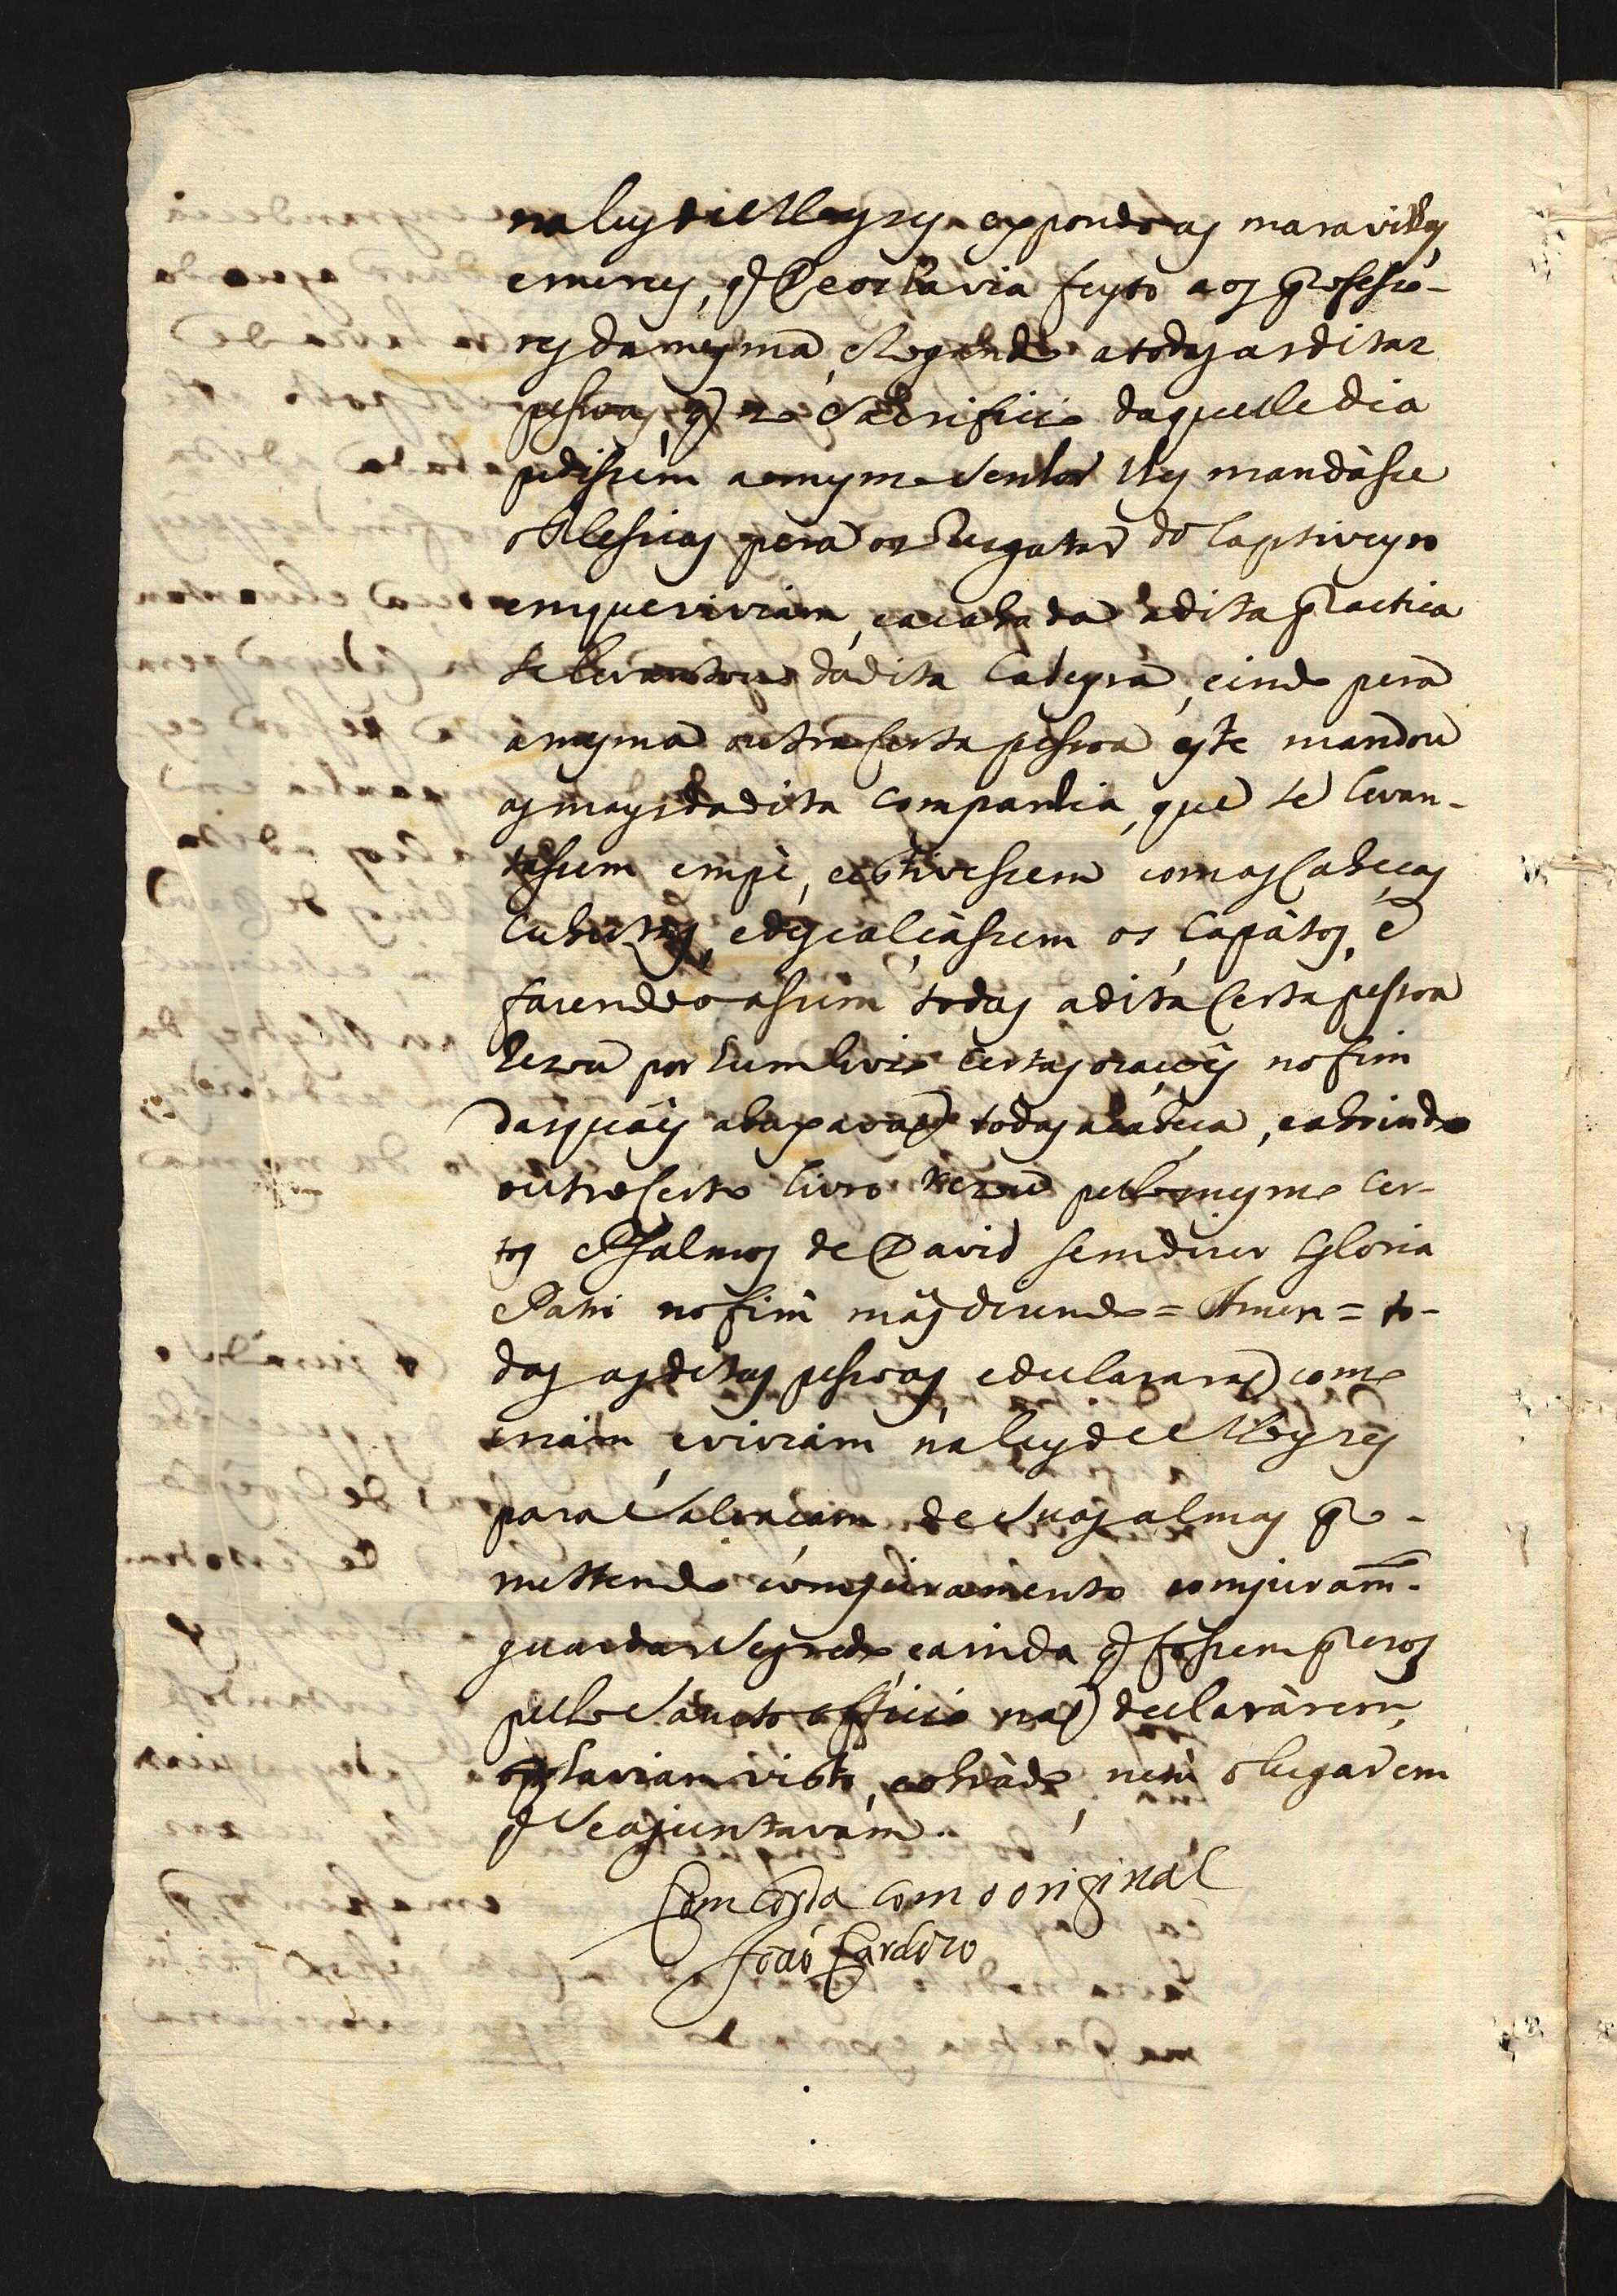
na ley de Moyzes expondoas maravilhas,
e merces, q̄ Deos havia feyto aos professo
res da mesma, e Rogando a todas as ditas
pessoas, q̄ no sacrificio daquelle dia
pedissem ao mesmo senhor lhes mandàsse
o Messias pera os Resgatar do Captiveyro
em que viviam, e acabada a dita practica
se levantou da dita Cadeyra, e indo pera
a mesma outra Certa pessoa este mandou
as mays da dita companhia, que se levan
tassem em pè, e estivessem com as Cabeças
cubertas, e descalçassem os Çapátos, e
fazendoo assim todas a dita Certa pessoa
Rezou por hum liuro certas oraçoês no fim
das quâes abaxavaõ todas a cabeça, e abrindo
outro Certo livro rezou pello mesmo cer
tos Psalmos de David sem dizer Gloria
Patri no fim mâs dizendo = Amen = to
das as ditas pessoas e declararaõ como
criam, e viviam na ley de Moyzes
para salvaçam de suas almas pro
mettendo com juramento com juramto.
guardar segredo, e ainda q̄ fossem prezoz
pello sancto officio naõ declarárem,
o q̄ haviam visto, e obràdo, nem o lugar em
q̄ se ajuntavam.
Concorda com o original
Joaõ Cardozo
